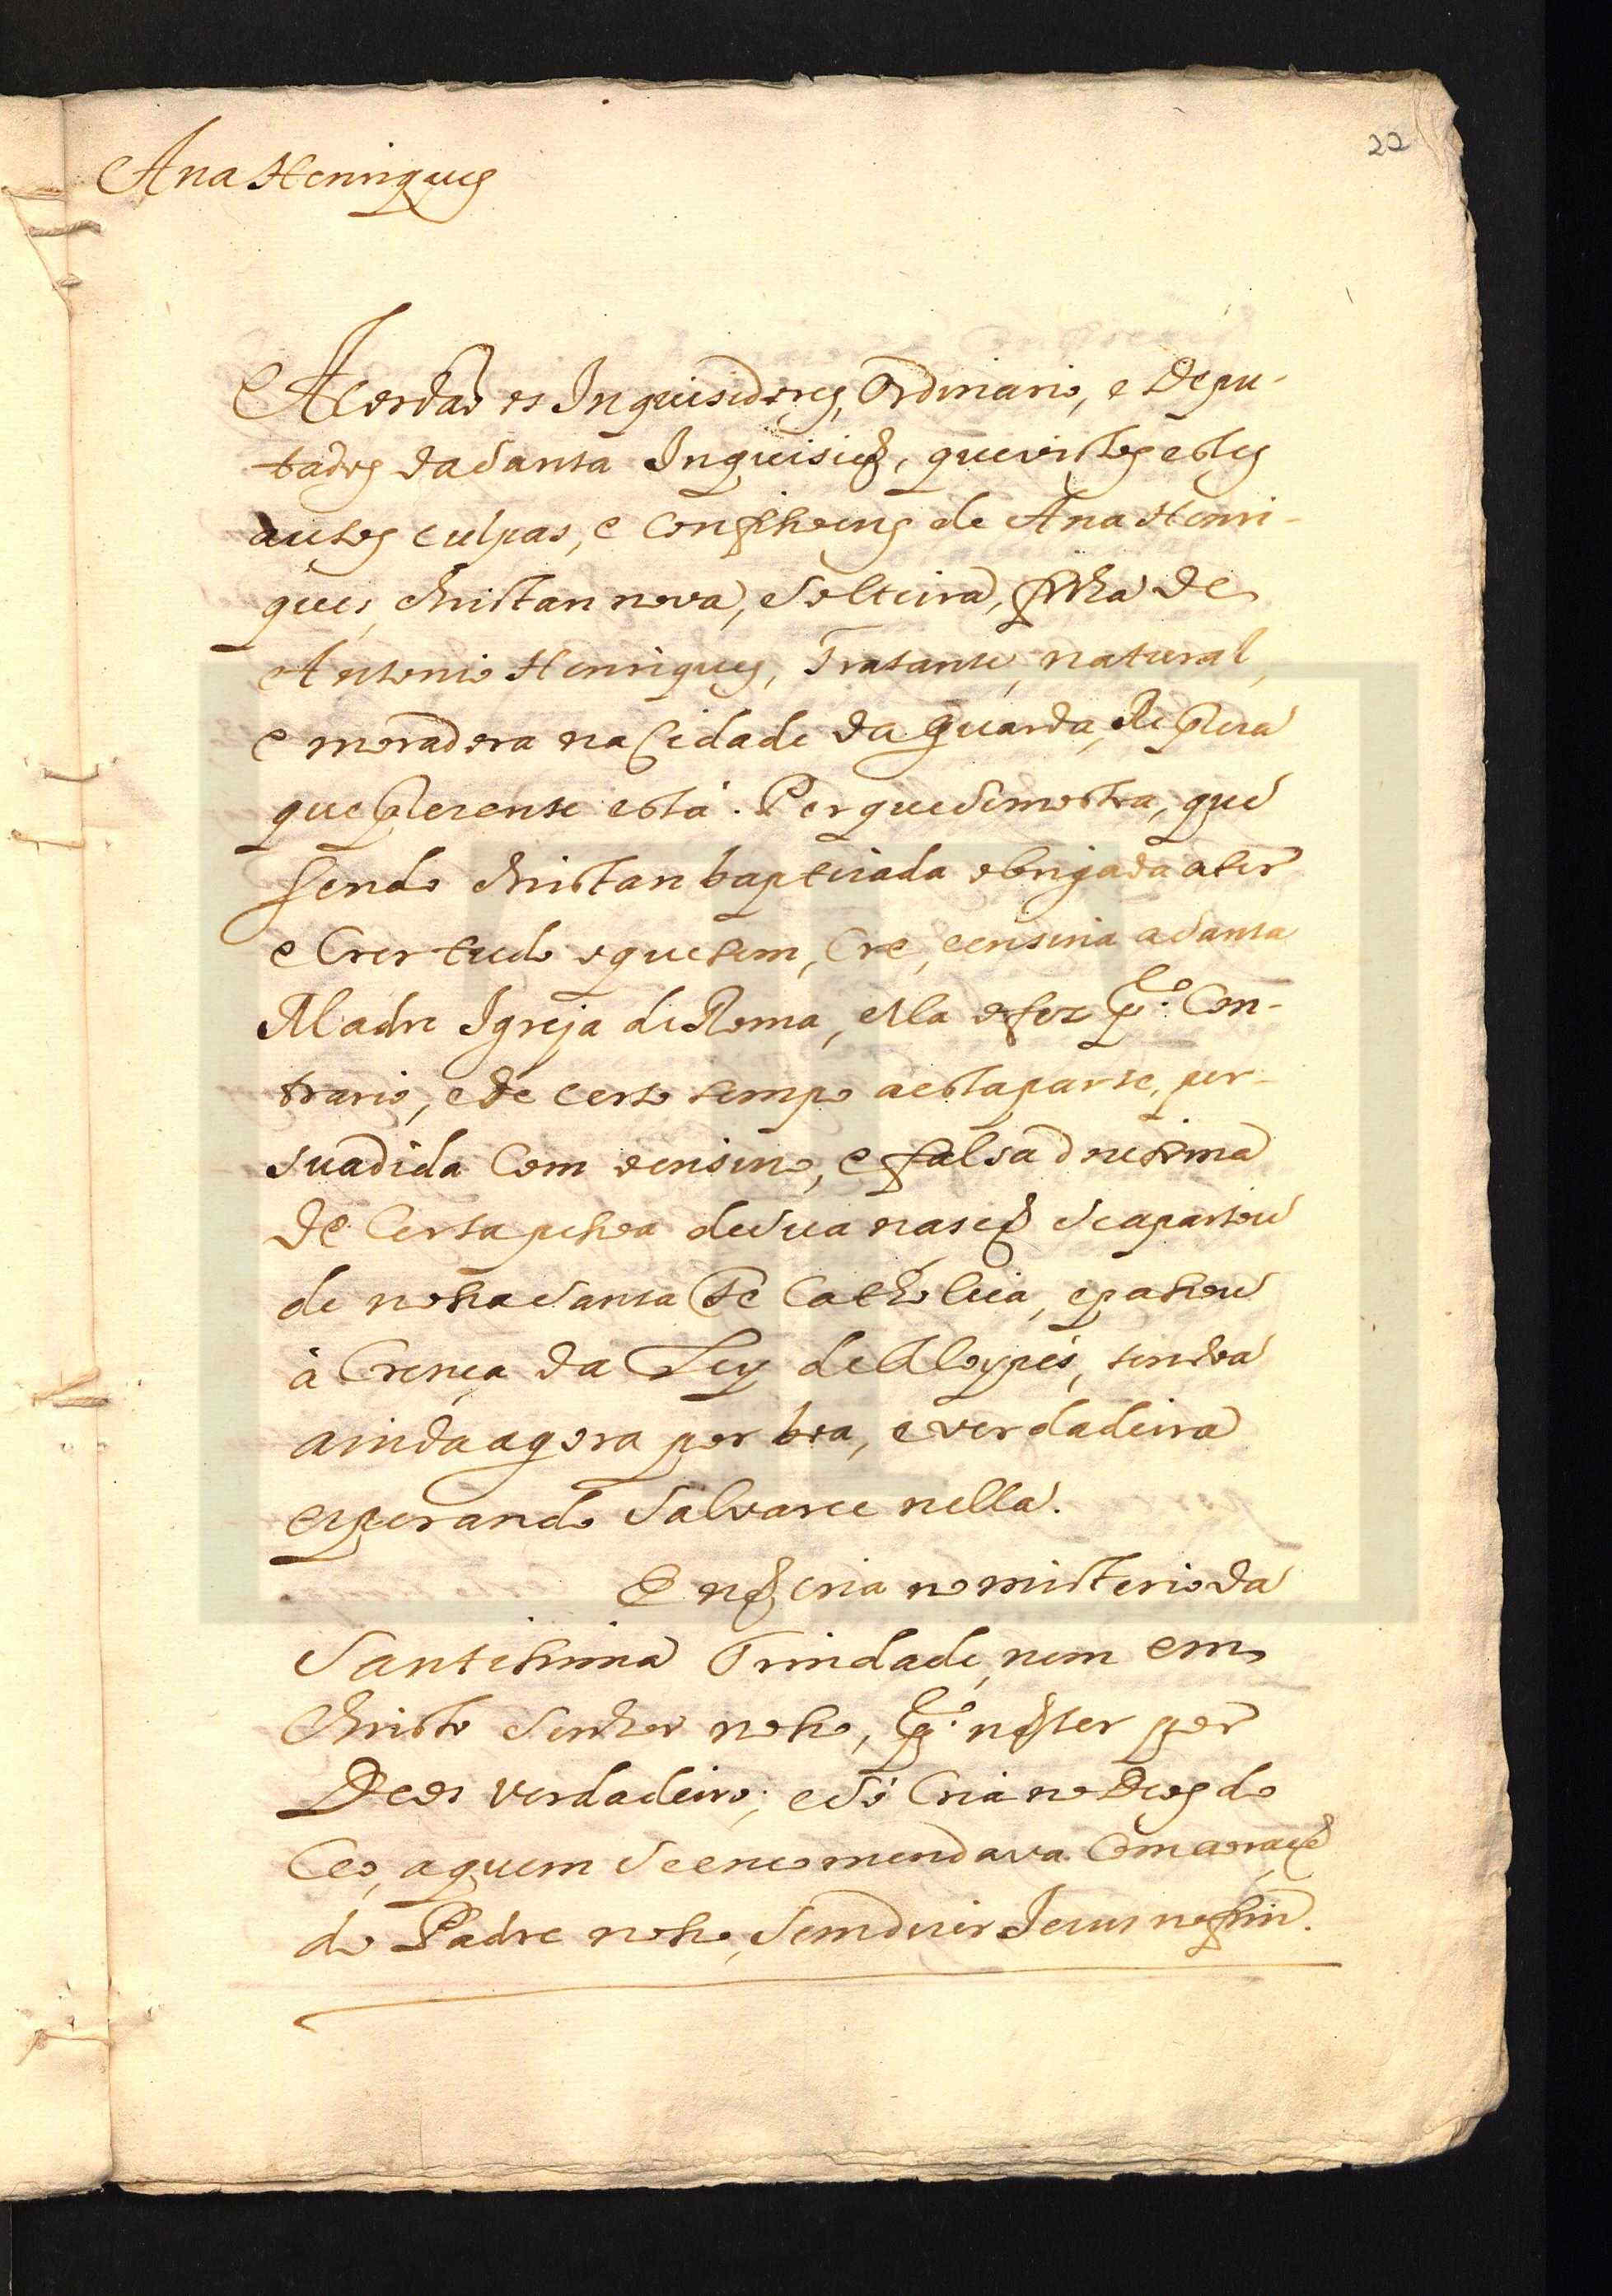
Ana Henriques
Acordaõ os Inquisidores, Ordinario, e Depu
tados da Santa Inquisiçaõ, que vistos estes
autos culpas, e confissoens de Ana Henri
ques christan nova, solteira, filha de
Antonio Henriques, Tratante, natural
e moradora na Cidade da guarda, Re pReza
que pRezente está. Perque se mostra, que
sendo christan baptizada obrigada a ter
e Crer tudo o que tem, Cre e ensina a santa
Madre Igreja de Roma, ella o fez p.lo Con
trario, e de certo tempo a esta parte, per
suadida com o ensino, e falsa doutrina
de Certa pessoa de sua nasçaõ se apartou
de nossa santa Fe Catholica, e passou
à Crença da Ley de Moyzés, tendoa
ainda agora por boa, e verdadeira
esperando salvarce nella.
E naõ cria no misterio da
Santissima Trindade, nem em
christo Senhor nosso, p.lo naõ ter por
Deos verdadeiro; e só Cria no Deos do
Ceo, a quem se encomendava com a oraçaõ
do Padre nosso, sem dizer Iesus no fim.
